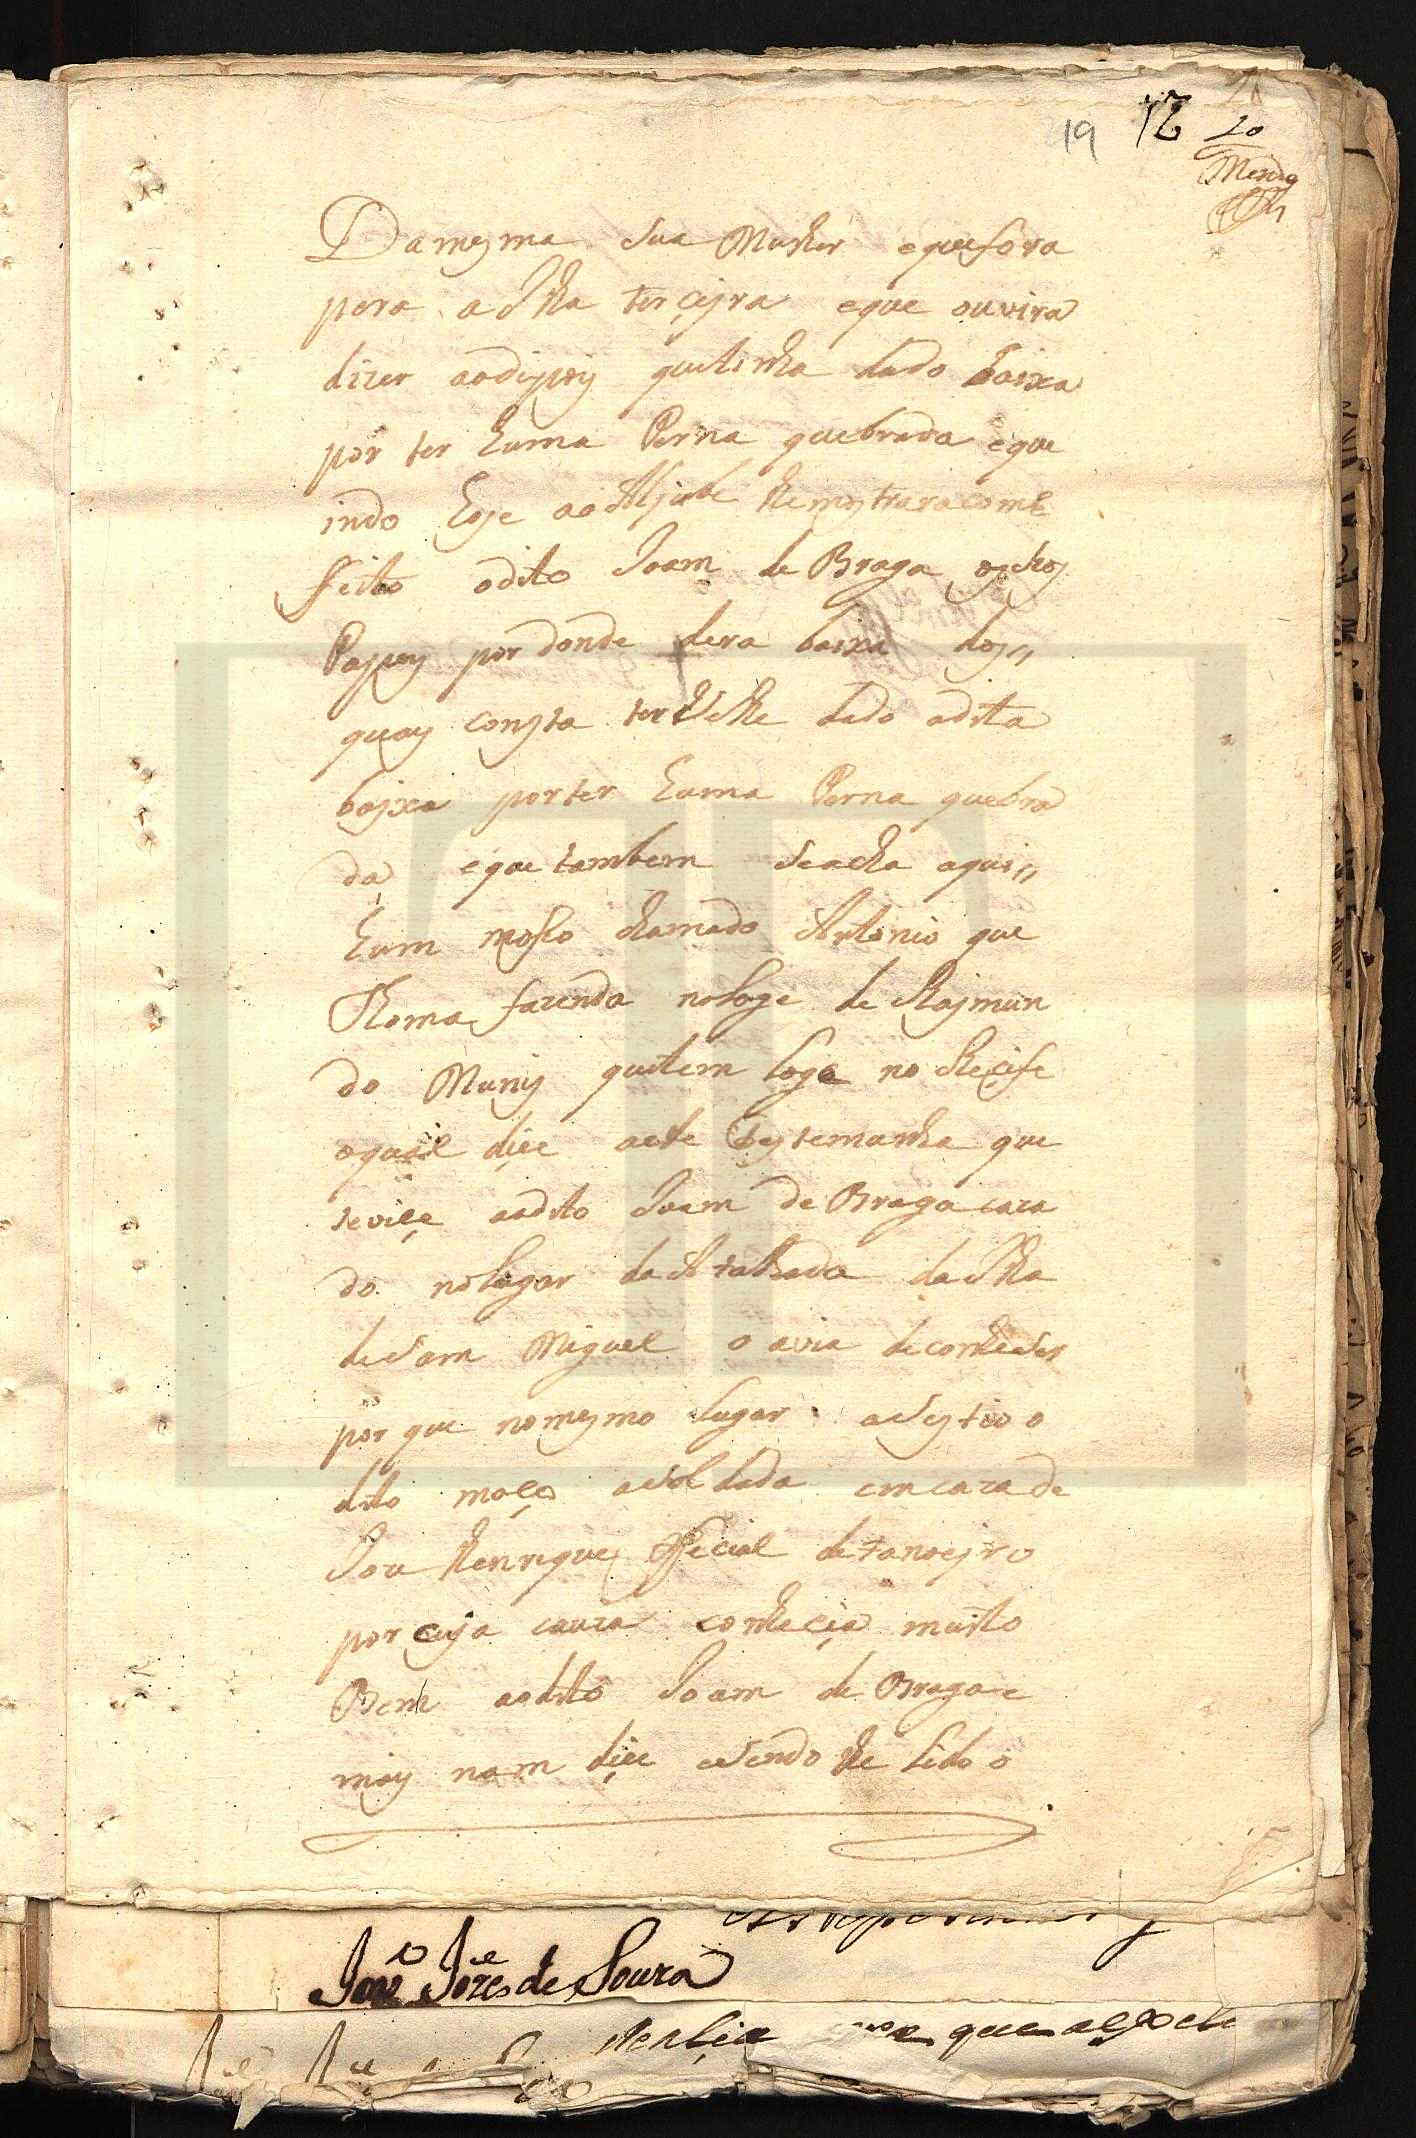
Da mesma sua Mulher e que fora
para a Ilha tercejra e que ouvira
dizer ao dipois que tinha dado baixa
por ter huma Perna quebrada e que
indo hoje ao Aljube lhe mostrara com e
feito o dito Ioam de Braga os seos
Papeis por donde dera baixa dos
quais consta ter selhe dado a dita
bajxa por ter huma Perna quebra
da e que tambem se acha aqui
hum mosso chamado Antonio que
Thoma fazenda no Loge de Rajmun
do Munis que tem loge no Recife
o qual dice a este Testemunha que
se vice ao dito Ioam de Braga caza
do. no lugar da Atalhada da Ilha
de Sam Miguel o avia de conheser
porque no mesmo lugar. asistio o
dito moço o soldado em caza de
Ioze Henriques Official de tanoejro
por cuja cauza conhecia muito
Bem ao dito Ioam de Braga e
mais nam dice e sendo lhe lido o
Ioaõ Iozé de Souza
